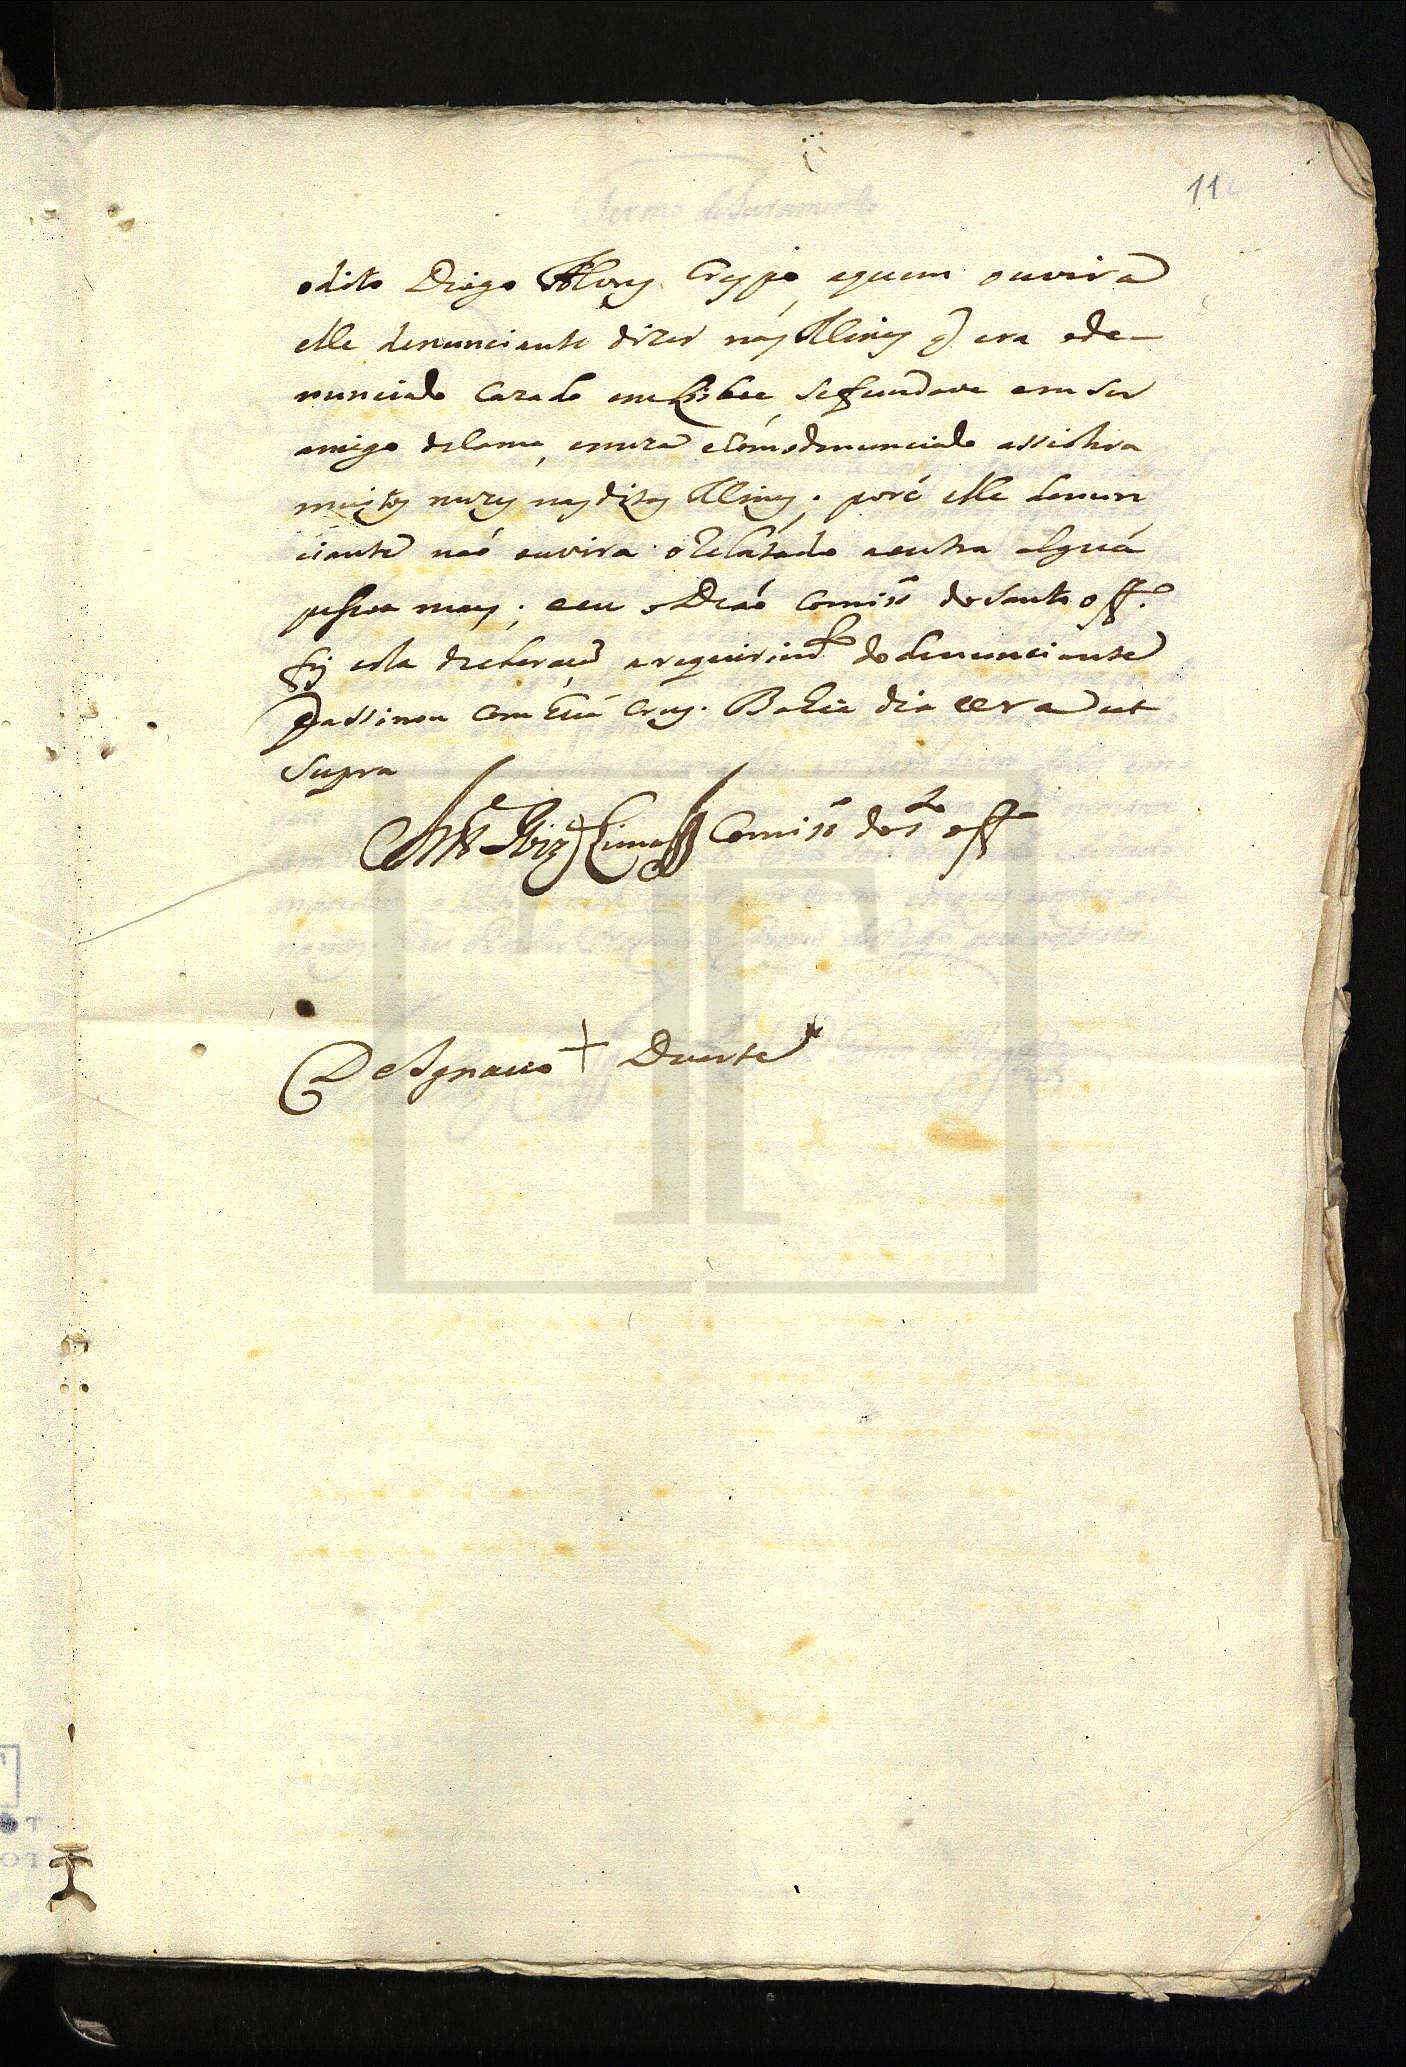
o dito Diogo Alvres Crespo, a quem ouvira
elle denunciante dizer nas Minas q̄ era o de
nunciado cazado em Lisboa, se fundava em ser
amigo de cama, e meza e com o denunciado assistira
muitos mezes nas dita Minas; porē elle denun
ciante naõ ouvira o Relatado a outra alguā
pessoa mais; e eu o Deaõ comisso do Santo off.o
fis esta declaraçaõ a requirimto do denunciante
q̄ assinou com huā crus. Bahia dia e era ut
Supra
